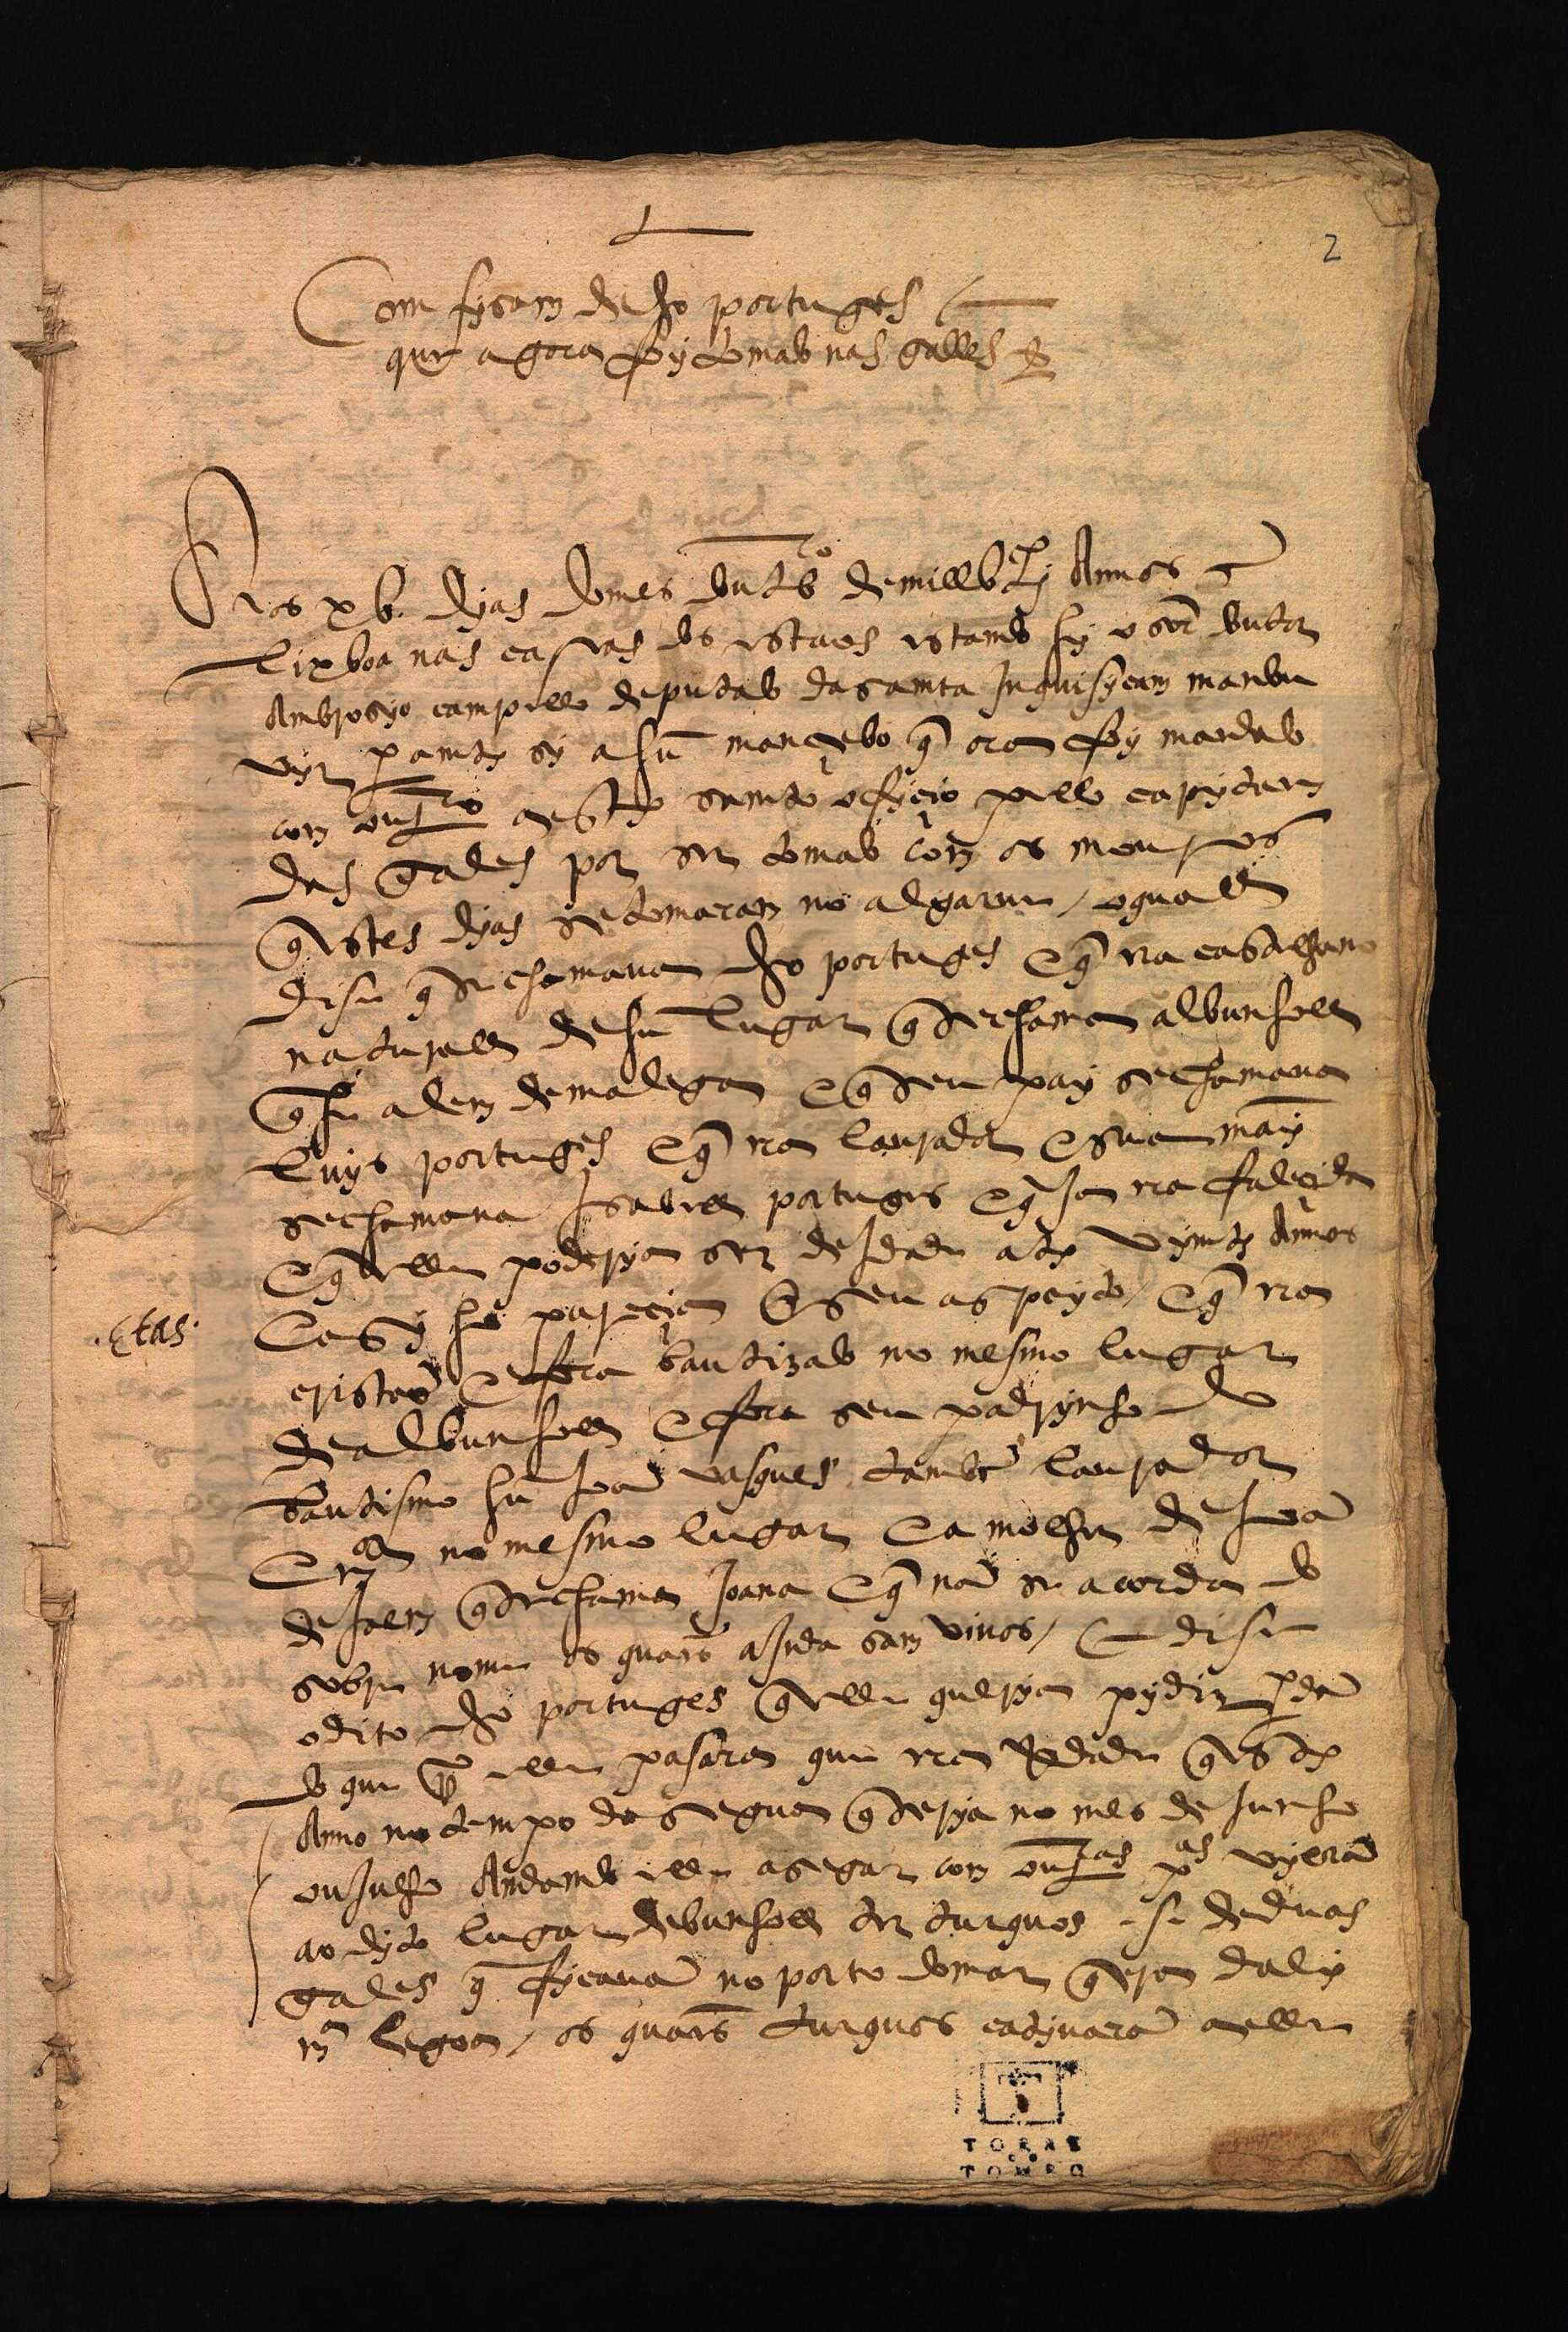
Comfisam de ho portuges
que agora foy tomado nas galles
Aos xb. djas do mes doutbro de mill bcLj Annos ē
lixboa nas casas dos estaos estando hy o so̅r doutor
Ambrosyo campello deputado da samta Jnquisyçam mandou
vyr ꝑamtꝭ sy a hū mancebo q̄ ora foy mandado
com outro a estꝭ samto ofycio pello capytam
das gales por ser tomado com os mouros
q̅ estes djas se tomaram no algarue / o quall
dise q̅ se chamaua djo portuges e q̅ era castelhano
naturall de hu̅ lugar q̅ se chama albunholl
q̄ he alem de malega e q̅ seu pay se chamaua
Luys portuges e q̅ era laurador e sua māy
se chamaua Jsabell portuges e q̄ Ja era falecida
e q̅ elle poderya ser de Jdade atꝭ vymtꝭ Annos
e asy ho parecia ē seu aspeyto / e q̅ era
.Etas.
cristaõ e fora bautizado no mesmo lugar
de albunholl e fora seu padrynho do
bautismo hū Joa̅ vasques tambē laurador
e mor no mesmo lugar e a molher de Joa̅
de Jaem q̅ se chama Joana e q̅ na̅ se acorda do
sobrenome os quaēs aJnda sam viuos / E dise
o dito djo portuges q̅ elle querya pydir ꝑdā
do que p̄o elle pasara que era ꝟdade q̅ estꝭ
Anno no tempo da sequa q̄ serya no mes de Junho
ou Julho Andando elle a seqar com outras pas vyerā
ao djto lugar de bunholl ter turquos .s. de duas
gales q̄ fjcauā no porto do mar q̅ era daly
ma legoa / os quaēs turquos catjuarā a elle
